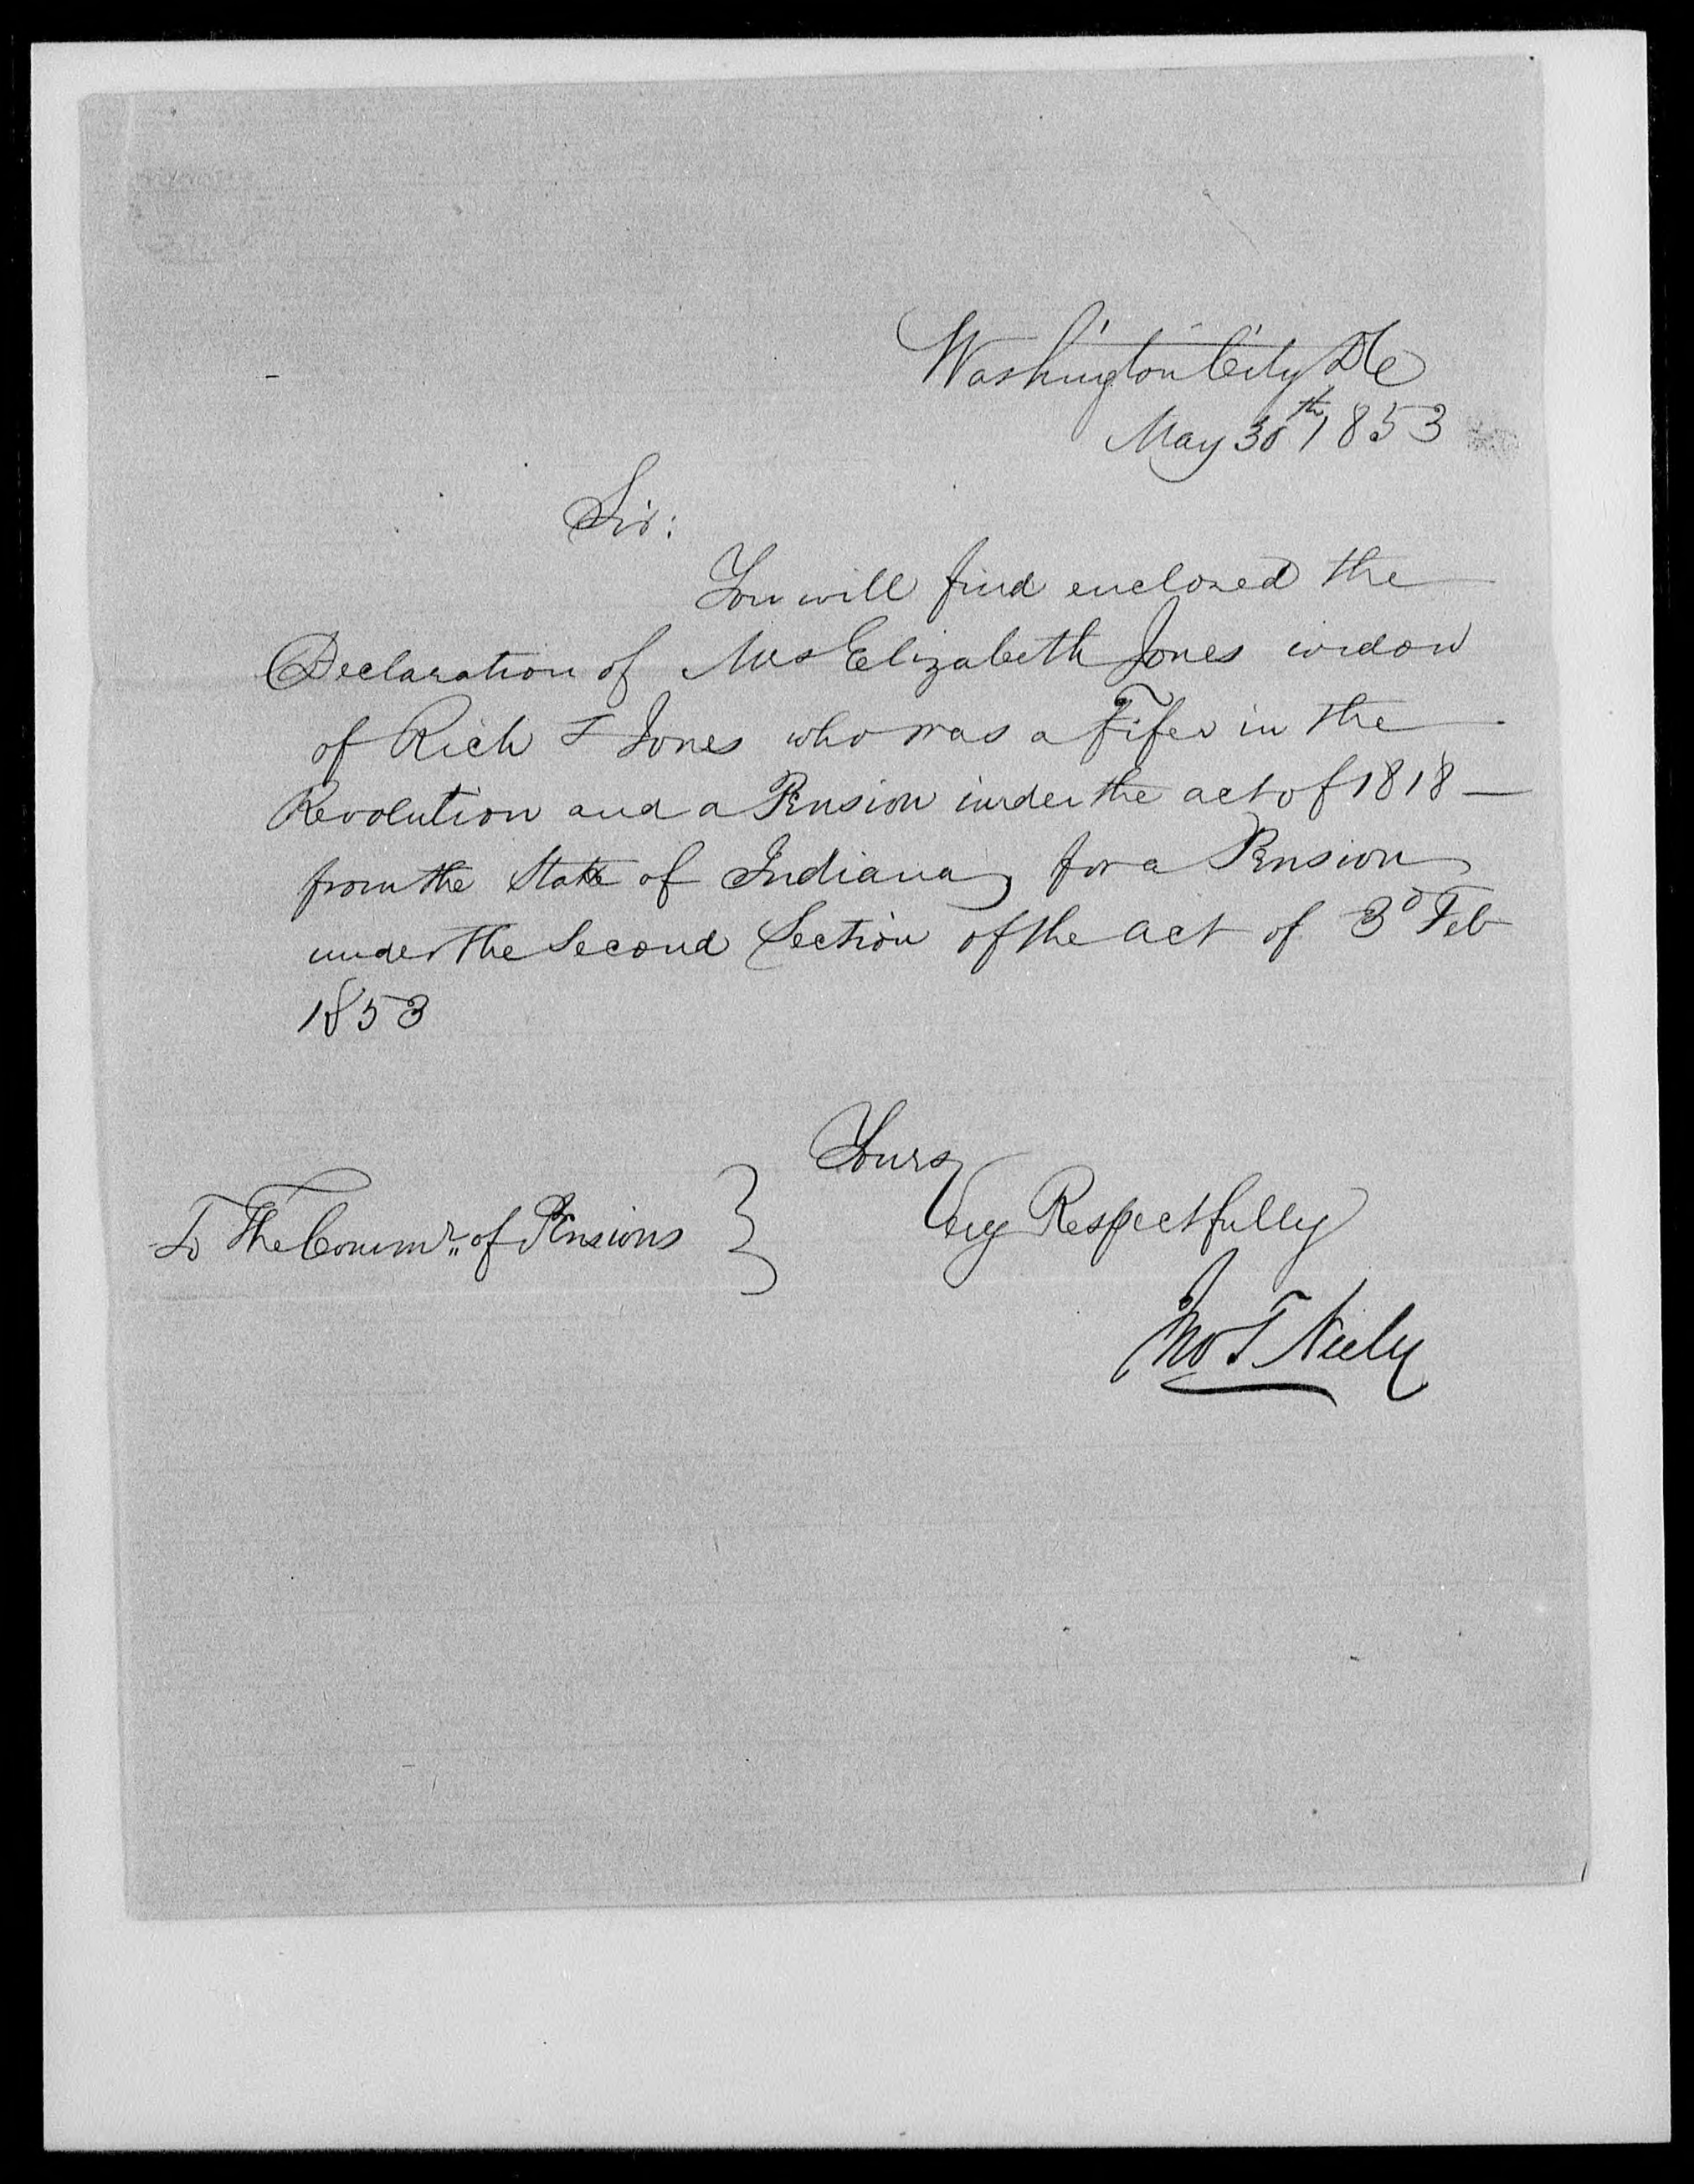Washington City D.C.
May 30th 1853
Sir

You will find enclosed the
Declaration of Mrs Elizabeth Jones Widow
of Rich Jones who was a fifer in the
Revolution and a Pension under the act of 1818-
from the State of Indiana for a Pension
under the Second Section of the act of 30 Feb
1853
Yours 
Very Respectfully
Jno T Neely
The Commr of Pensions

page: 36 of 62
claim: widow's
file: W. 765, for Richard L Jones, Connecticut